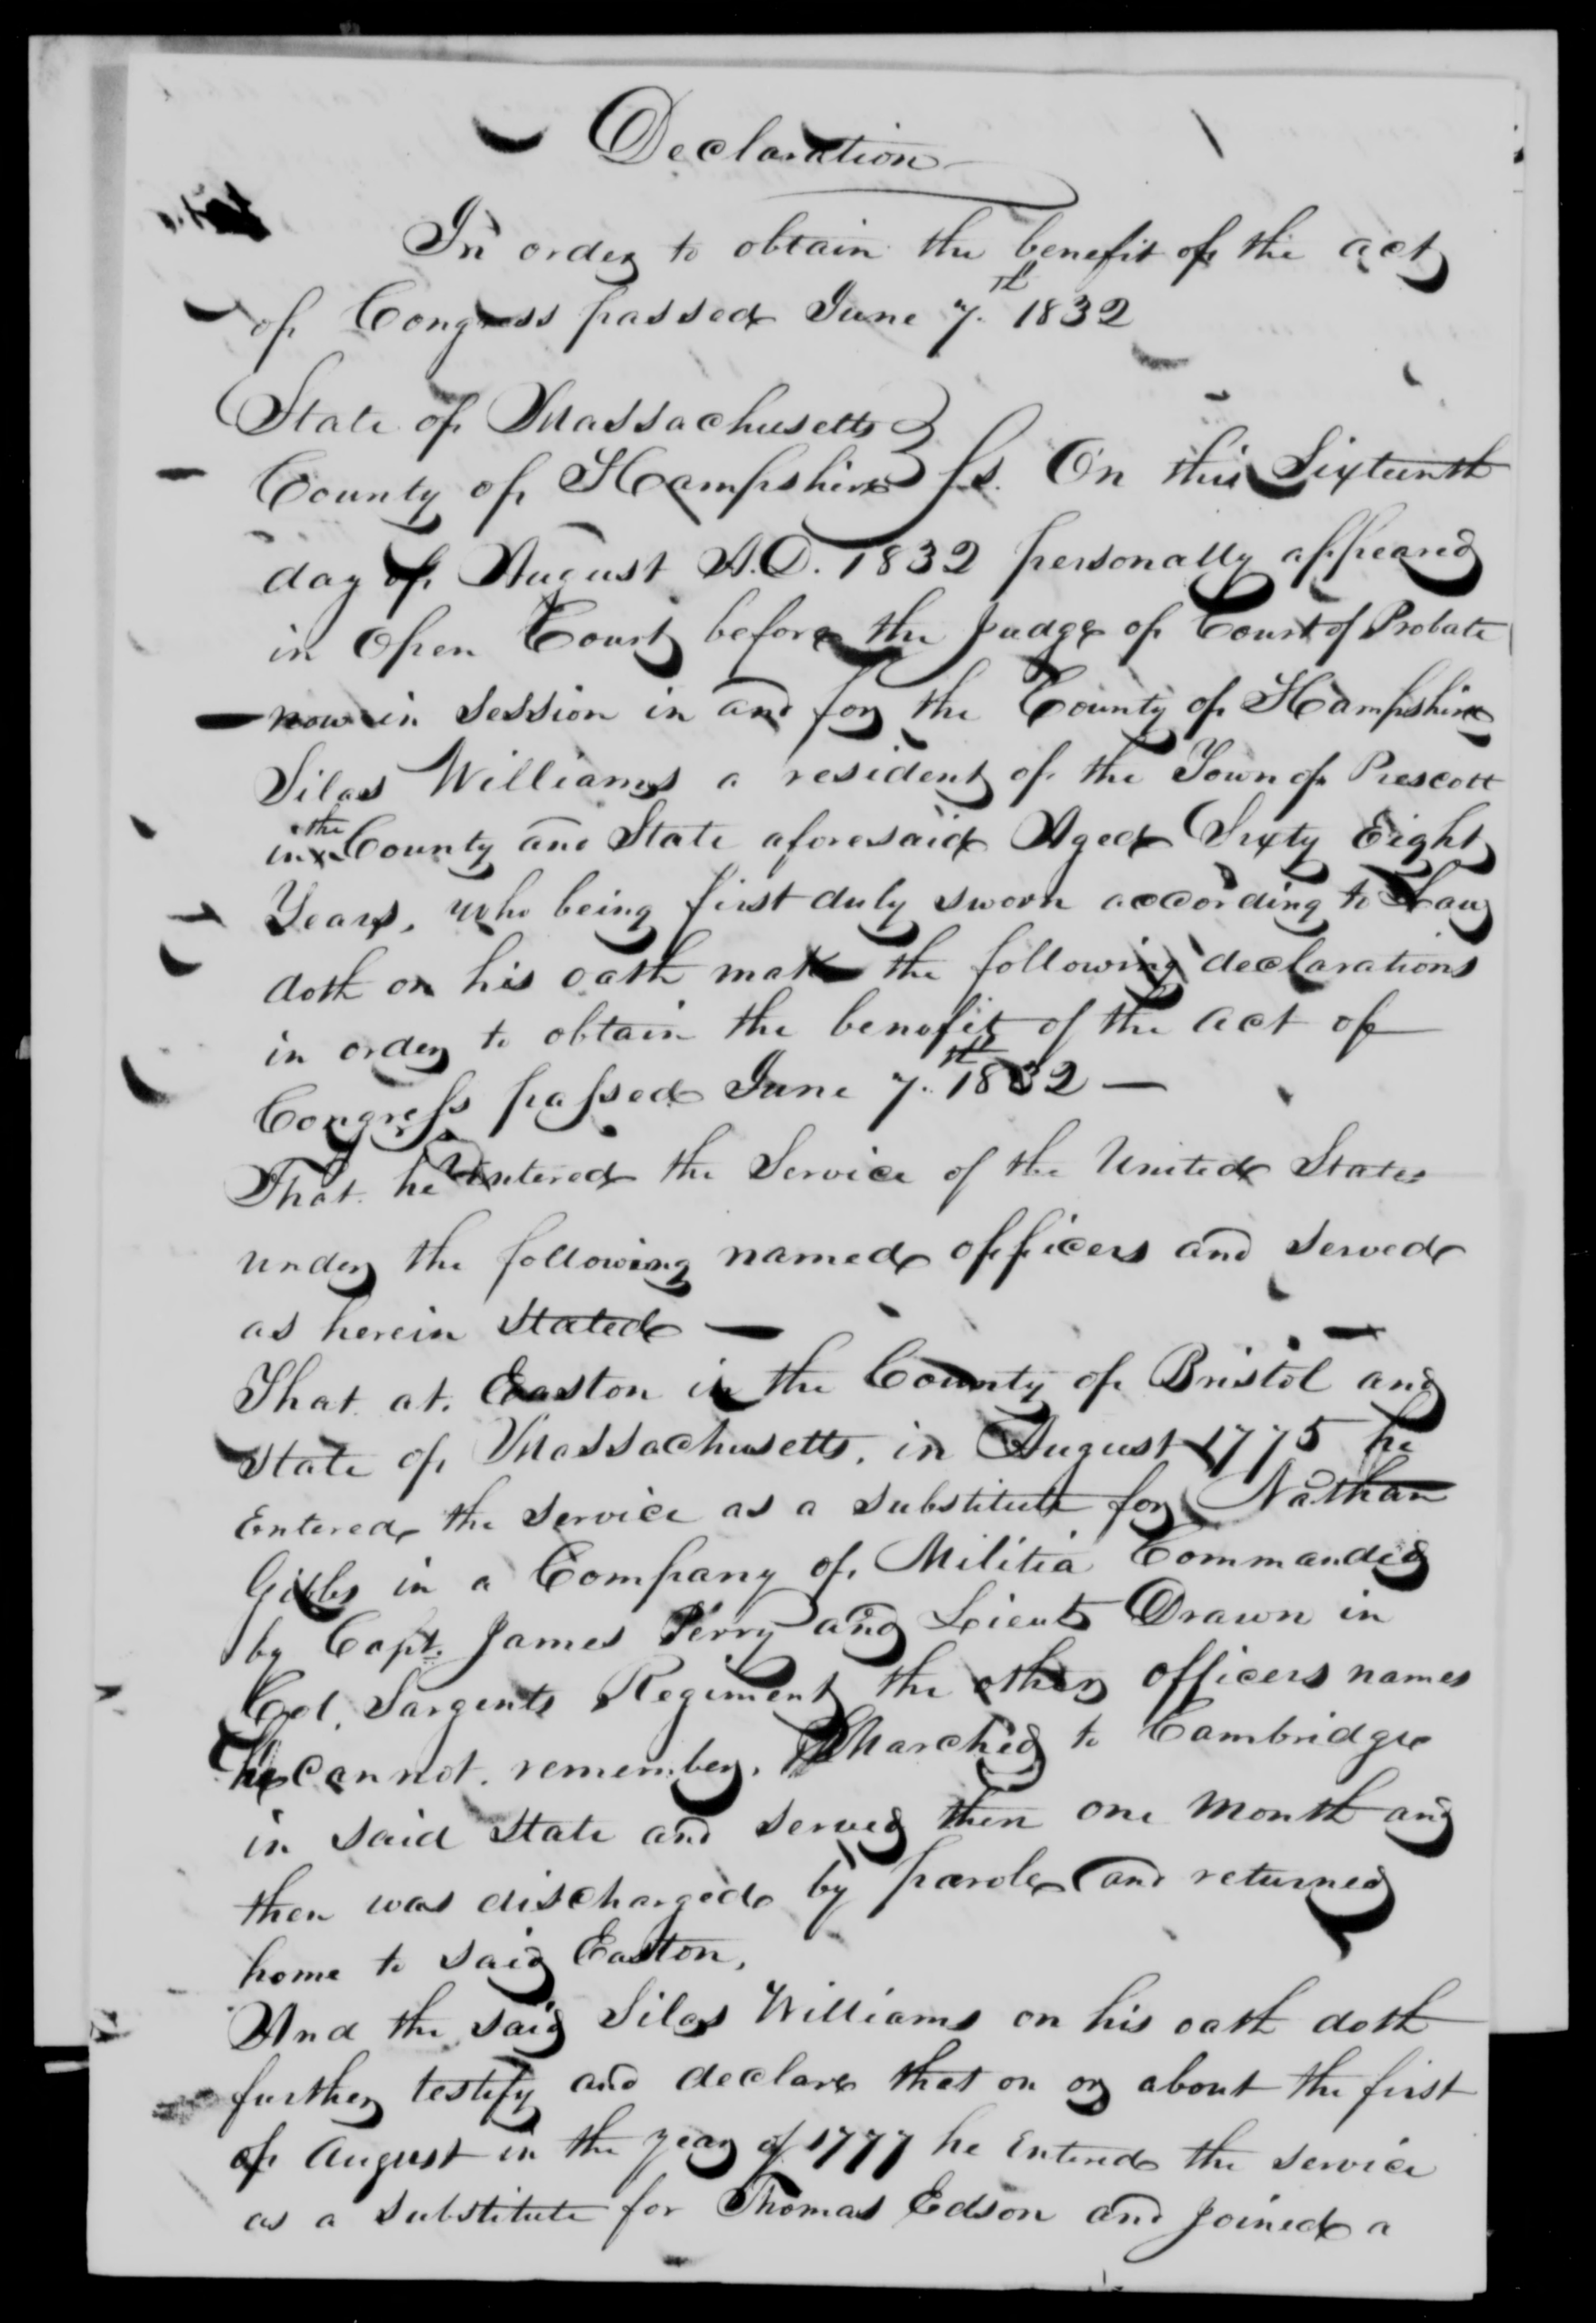Declaration
In order to obtain the benefit of the act of Congress passed June 7th 1832
State of Massachusetts
County of Hampshire} Ss On this sixteenth day of August AD 1832 personally appeared in open court before the judge of court of Probate now in session in and for the county of Hampshire Silas Williams a resident of the town of Prescott in the county and state aforesaid aged sixty eight years who being first duly sworn according to law doth on his oath make the following declaration in order to obtain the benefit of the act of Congress passed June 7th 1832
That he entered the service of the United States under the following named officers and served as herein stated
That at Easton in the county of Bristol and state of Massachusetts in August 1775 he entered the service as a substitute for Nathan Gibbs in a Company of Militia commanded by Capt James Perry and Lieut Drawn in Col Sargents Regiment the other officers names he cannot remember He marched to Cambridge in said state and served then one month and then was discharged by parole and returned home to said Easton
And the said Silas Williams on his oath doth further testify and declare that on or about the first of August in the year of 1777 he entered the service as a substitute for Thomas Edison and joined a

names: James Perry, Drawn, Thoams Edson, Silas Williams, Nathan Gibbs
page: 5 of 20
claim: survivor's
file: S. 11778, Silas Williams, Mass.